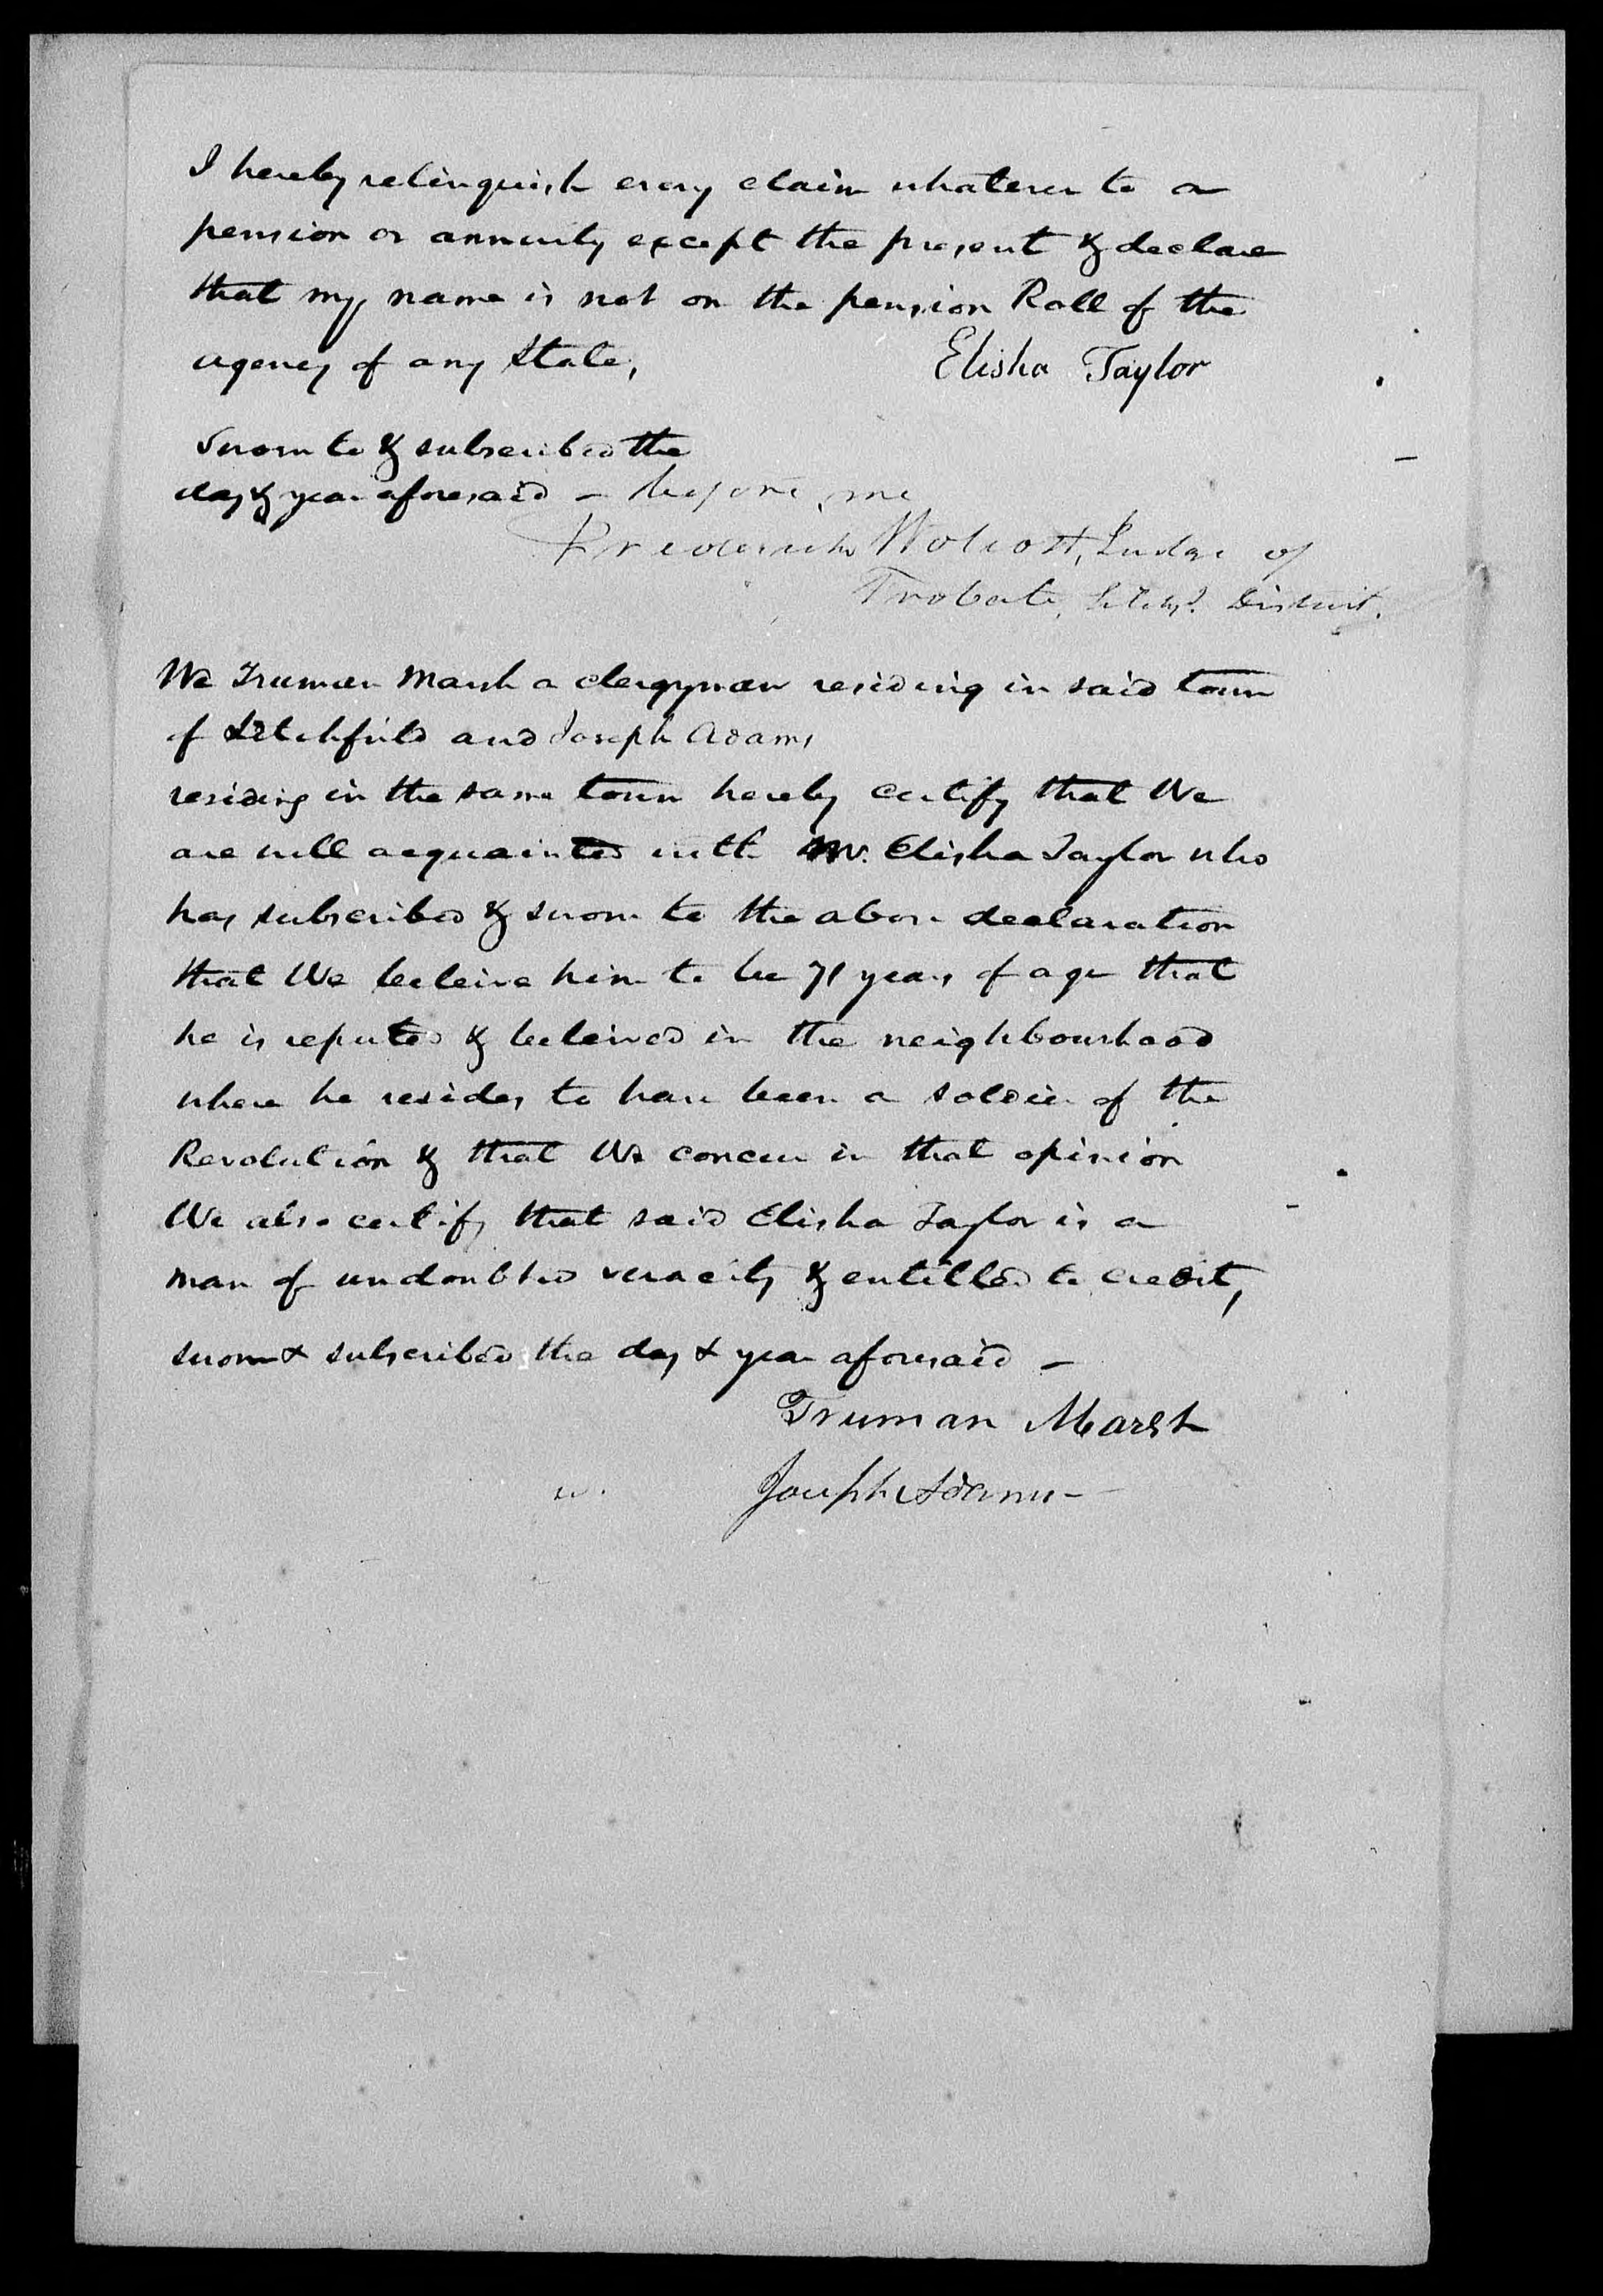I hereby relinquish every claim whatever to a pension or annuity except the present & declare that my name is not on the pension Roll of the agency of any State.  Elisha Taylor
Sworn to & subscribed the day & year aforesaid before me, Freoderick Wolcott, Judge of Probate, Litchy District.

Mr. Truman March a clergyman residing in said town of Litchfield and Joseph Adams residing in the same town hereby certify that we are all acquainted with Mr. Elisha Taylor who has subscribed & sworn to the above declaration that we believe him to be 71 years of age that he is reputed & believed in the neighbourhood where he resides, to have been a soldier of the Revolution & that we concur in that opinion. We also certify that said Elisha Taylor is a man of undoubted veracity & entitled to credit, sworn & subscribed the day & year aforesaid.
Truman Marsh
Joseph Adams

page: 6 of 16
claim: survivor's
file: S. 17722, for Elisha Taylor, Connecticut